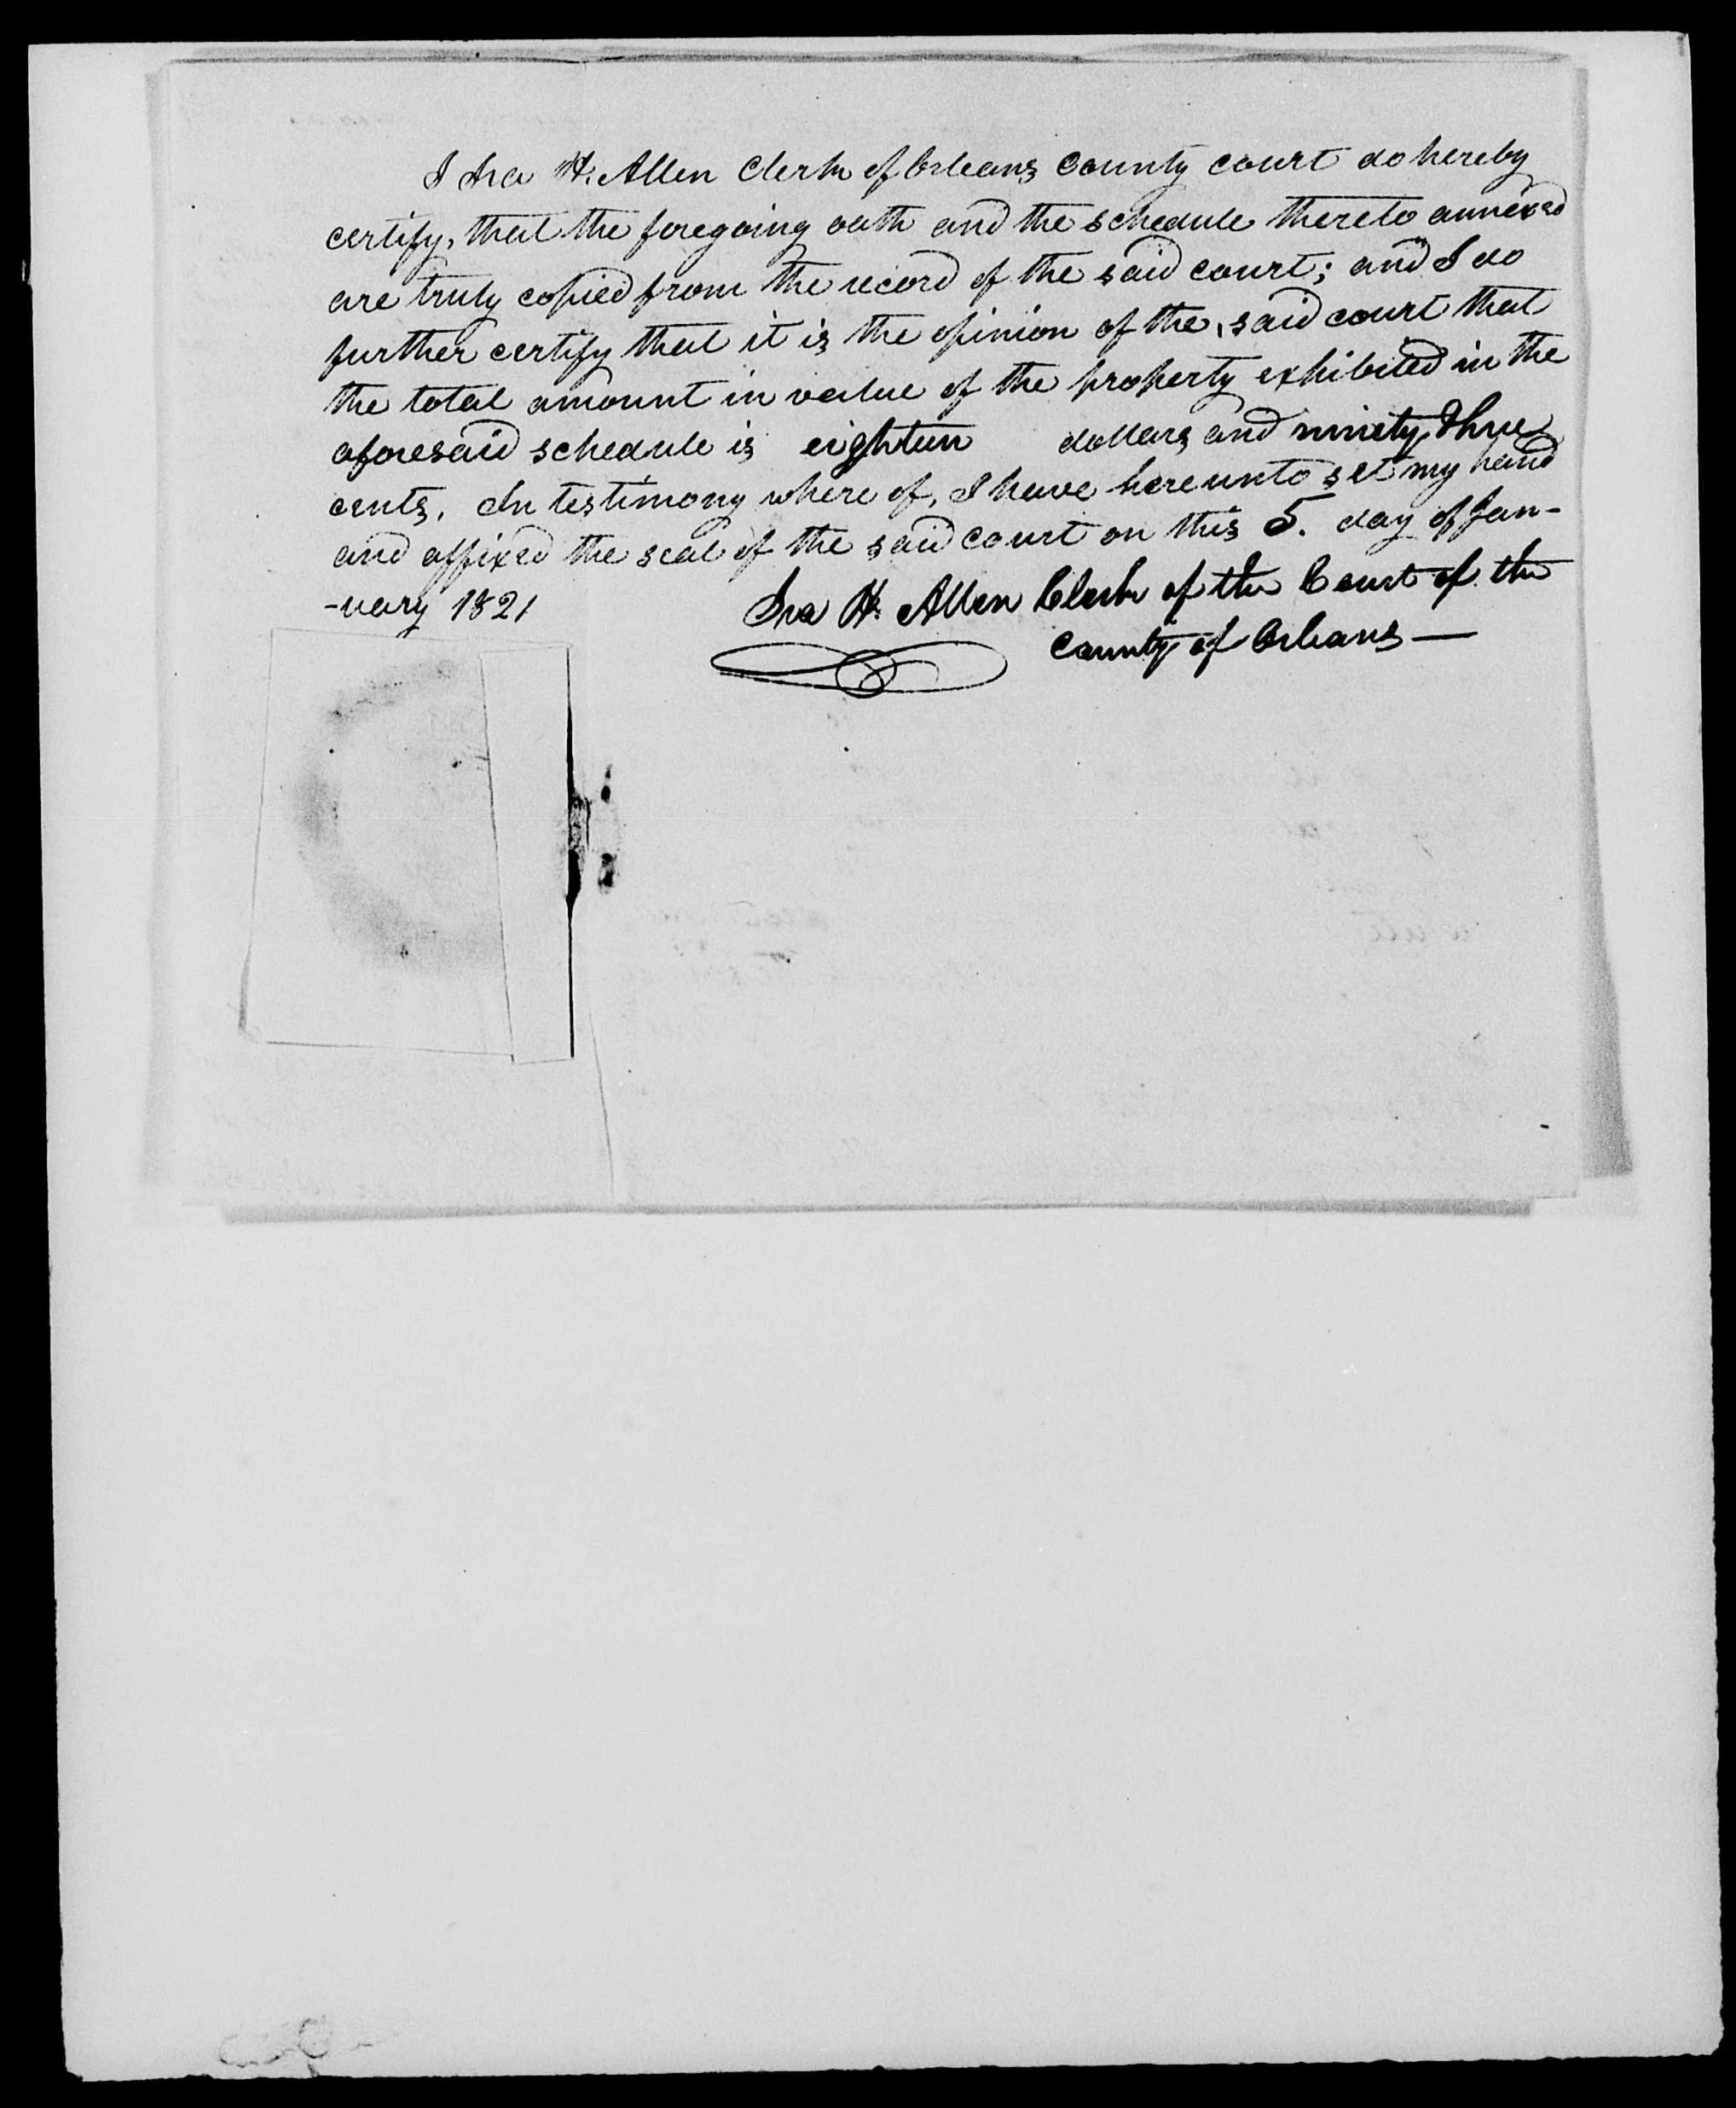I Ira H. Allen Clerk of Orleans County Court do hereby certify, that the foregoing oath and the schedule thereto annexed are truly copied from the record of the said Court; and I so further certify that it is the opinion of the said Court that the total amount in value of the property exhibited in the aforesaid schedule is eighteen dollars and ninety three cents. In testimony where of I have hereunto set my hand and affixed the seal of the said Court on this 5 day of January 1821
Ira H. Allen Clerk of the Court of the County of Orleans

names: Ira H Allen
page: 44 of 114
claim: widow's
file: W. 2115, Seth Hubbell, Conn.